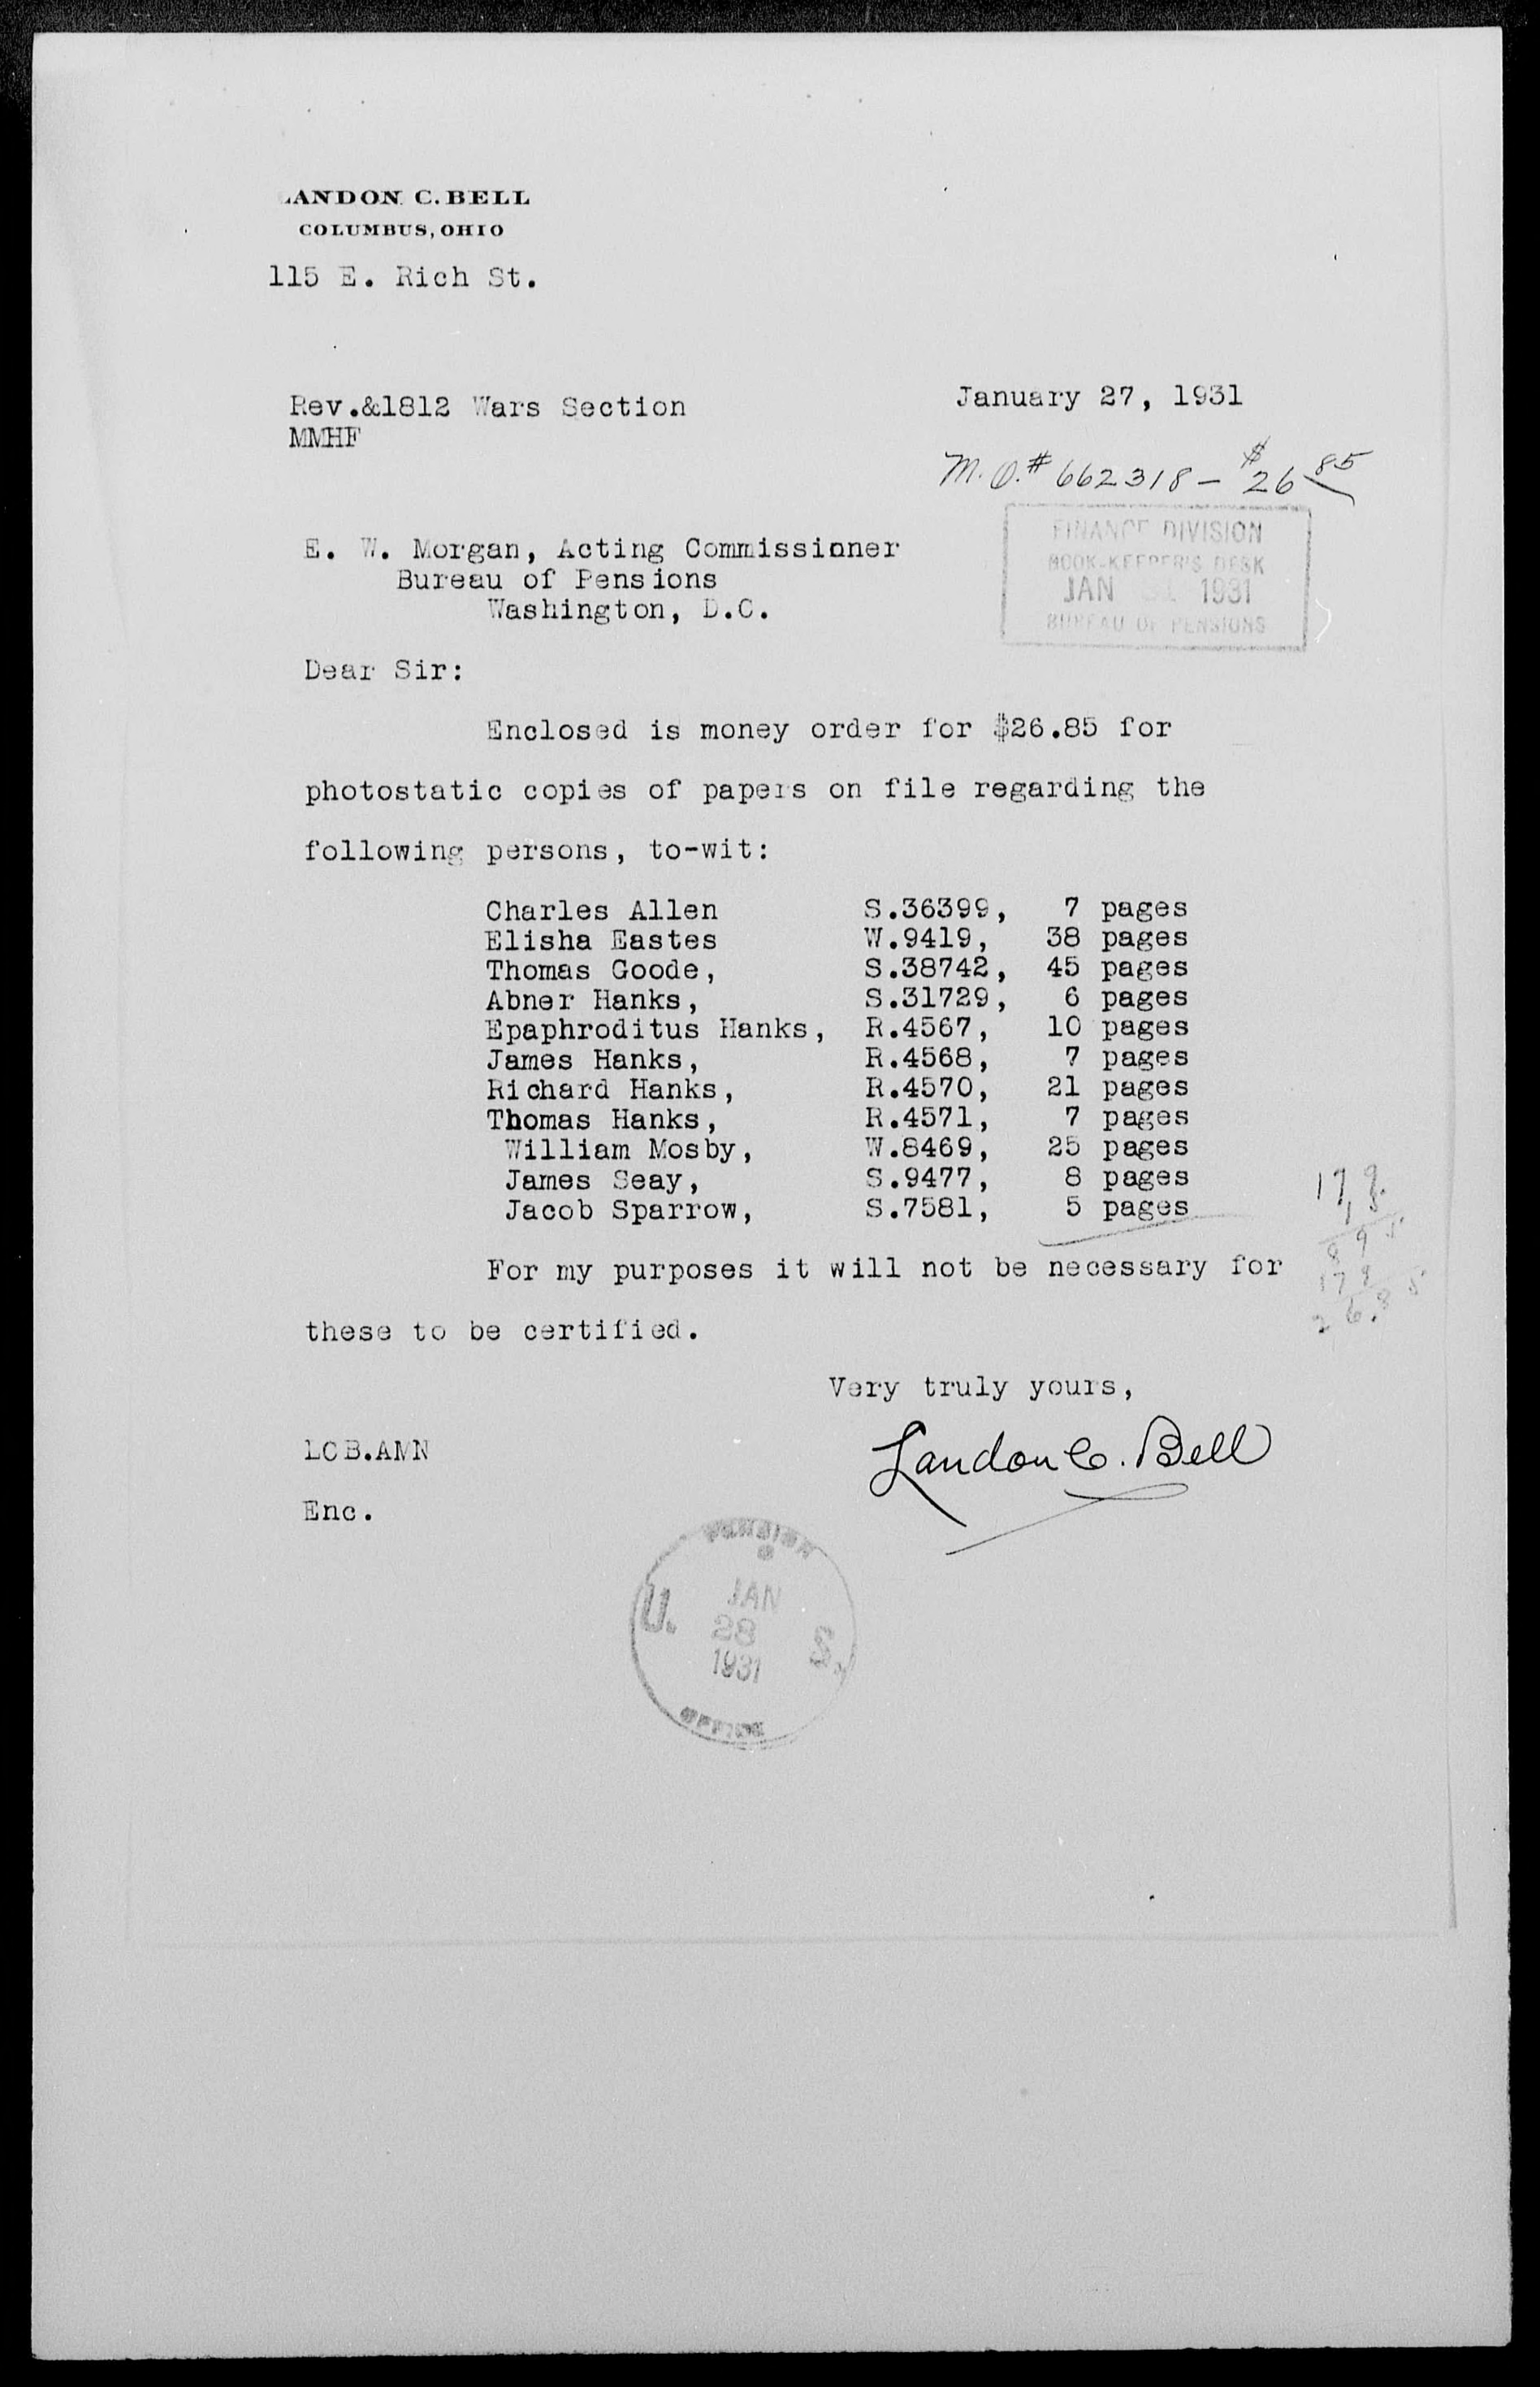LANDON C. BELL
COLUMBUS, OHIO
115 E. Rich St.

Rev. & 1812 Wars Section
MNHF

January 27, 1931
M. O. $ 662318-$26.85

E. W. Morgan, Acting Commissioner
Bureau of Pensions
Washington D. C.

Dear Sir:

Enclsed is money order for $26.85 for photostatic copies of papers on file regarding the following persons, to-wit"

Charles Allen S. 36399, 7 pages
Elisha Eastes W. 9419, 38 pages
Thomas Goode, S. 38742, 45 pages
Abner Hanks, S. 31729, 6 pages
Epaphroditus Hanks, R. 4567, 10 pages
James Hanks, R. 4568, 7 pages
Thomas Hanks, R. 4571,  pages
William Mosby, W. 8469, 25 pages
James Seay, S. 9477, 8 pages
Jacob Sparrow, S. 7581, 5 pages

For my purposes it will not be necessary for these to be certified.

Very truly yours,
Landon C. Bell

Stamped U. S. Pension Office, January 28, 1931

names: Epaphroditus Hanks, Landon C Bell, Elisha Eastes, James Hanks, Thomas Goode, William Mosby, Richard Hanks, Abner Hanks, Landon C Bell, Thomas Hanks, James Seay, E W Morgan, Charles Allen, Jacob Sparrow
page: 18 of 22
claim: survivor's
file: S. 36399, Charles Allen, Va.